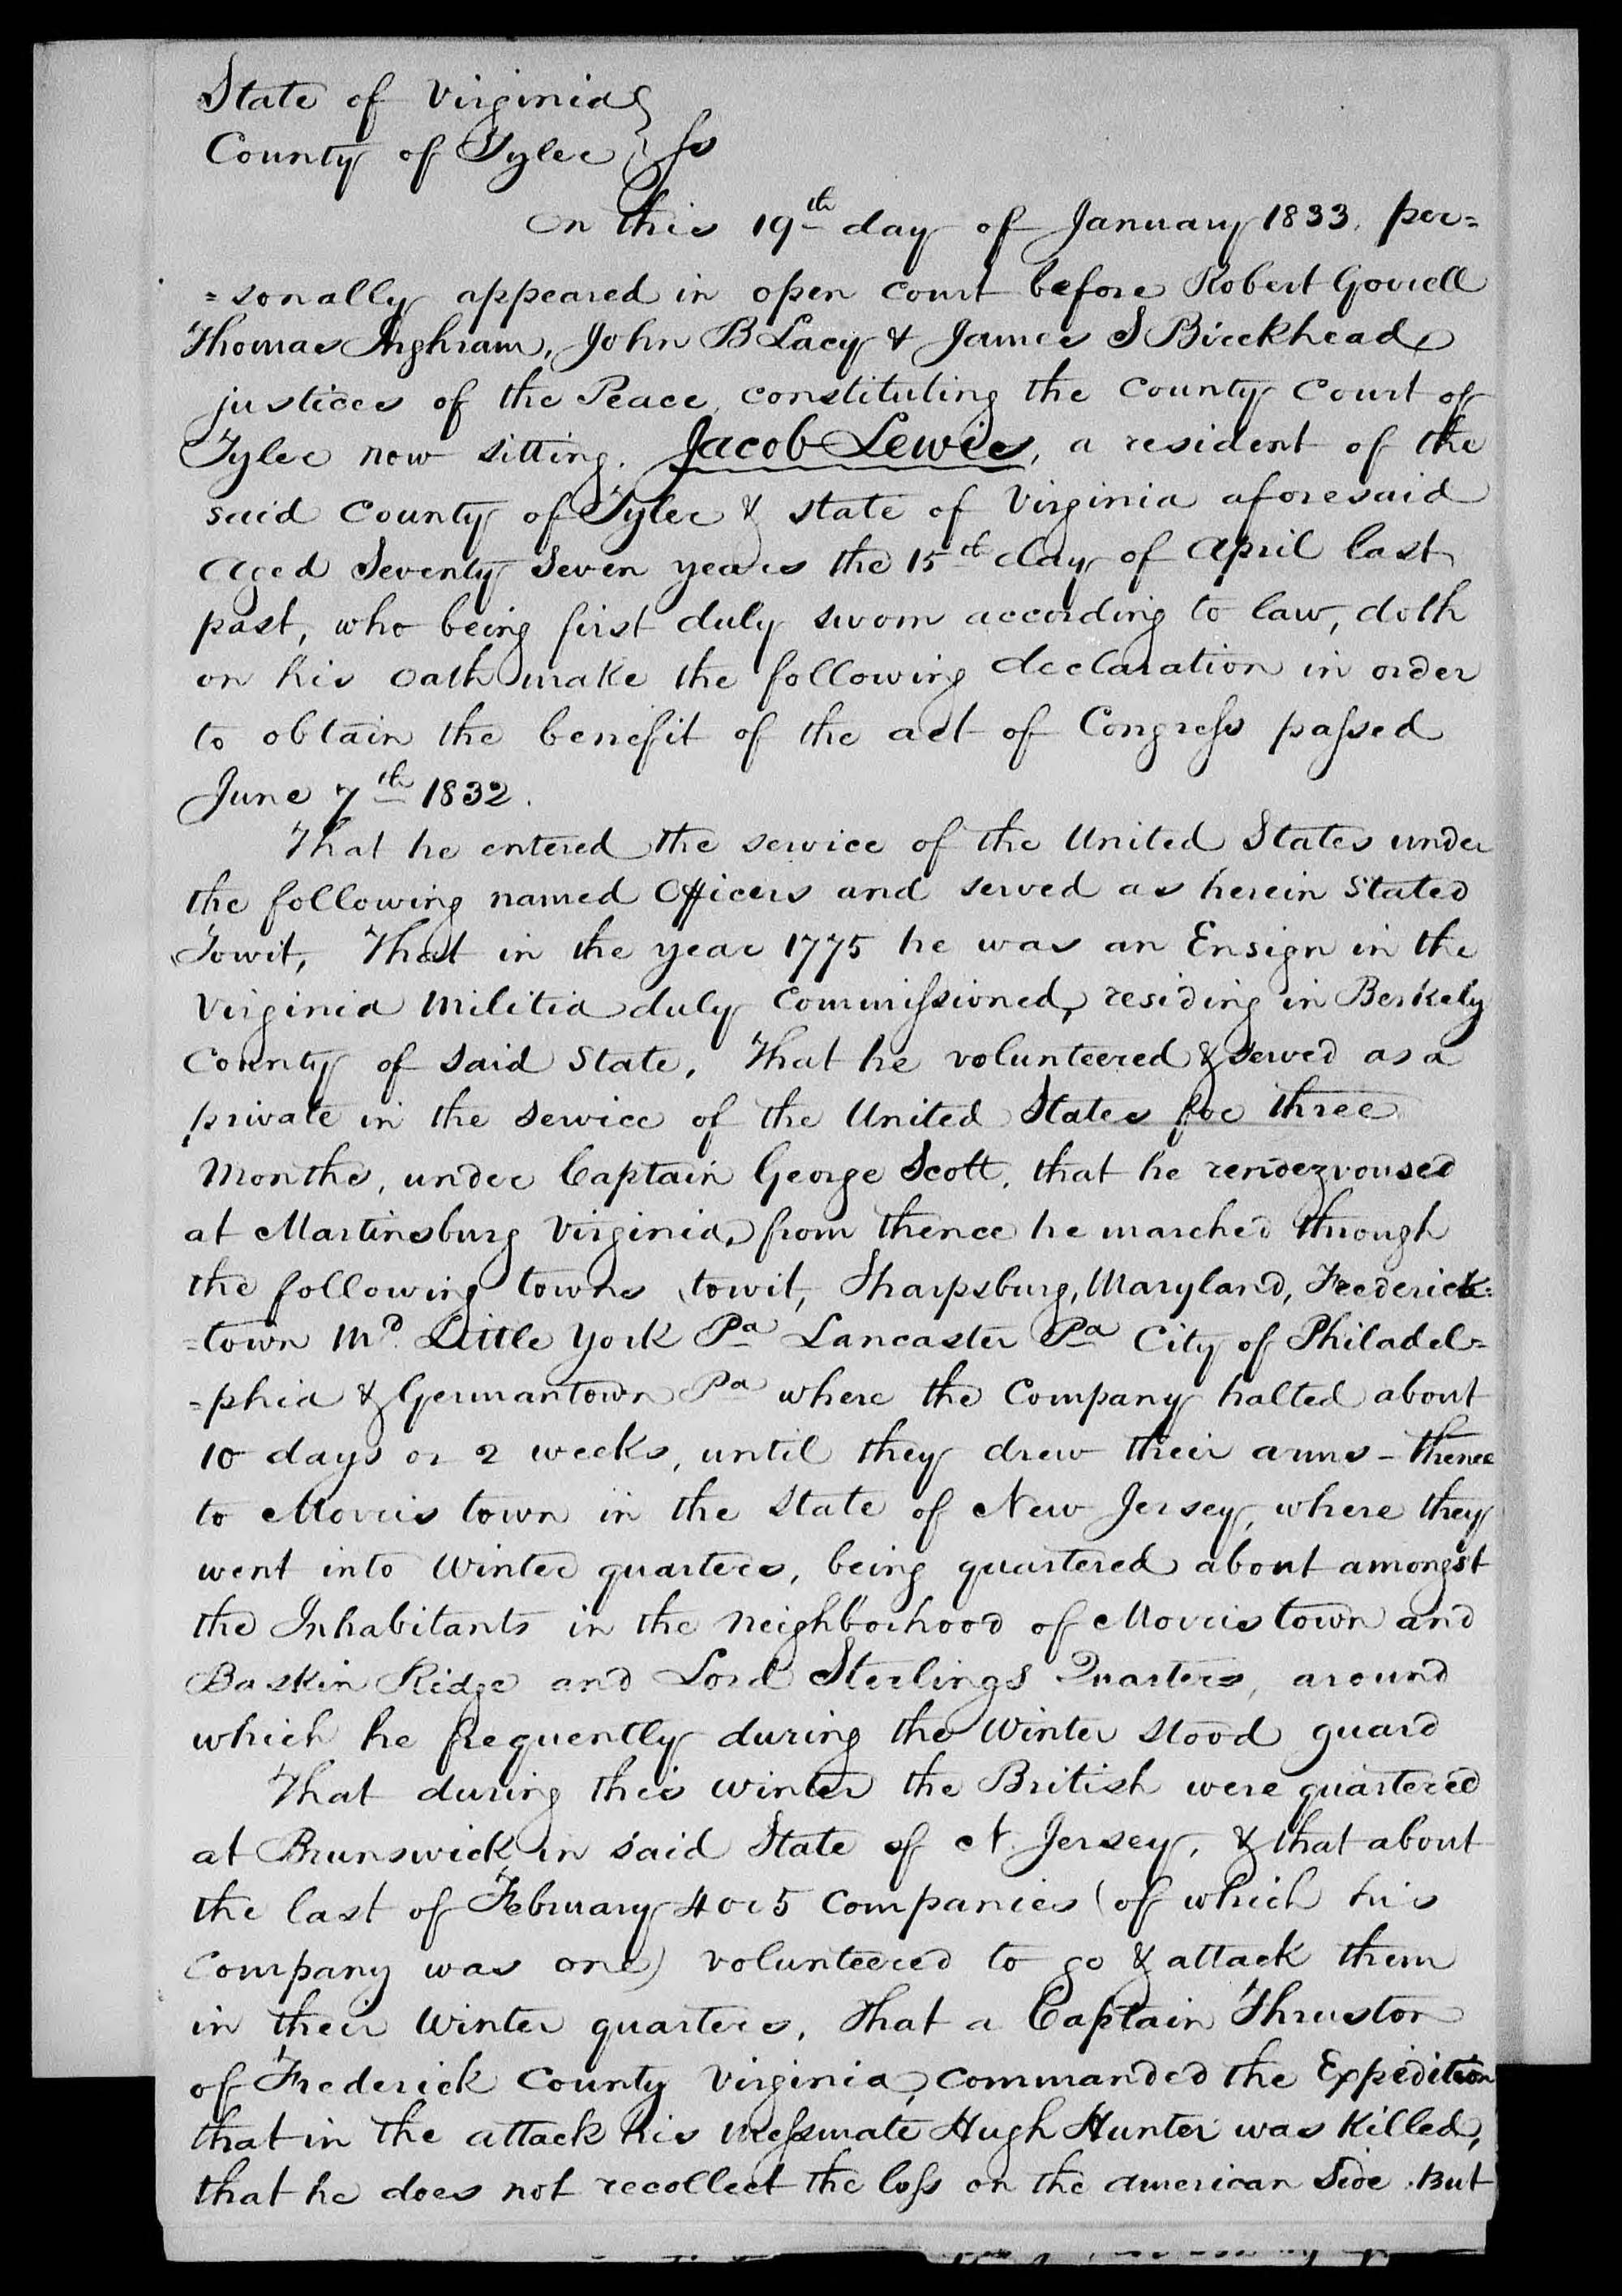State of Virginia
County of Tyler Ss
On this 19th day of January 1833, personally appeared in open court before Robert Govrell, Thomas Inghram, John B Lacy & James S Birckhead justices of the Peace, constituting the County Court of Tyler now sitting, Jacob Lewis, a resident of the said County of Tyler & State of Virginia aforesaid Aged Seventy Seven years the 15th day of April last past, who being first duly sworn according to law, doth on his oath make the following declaration in order to obtain the benefit of the Act of Congress passed June 7th 1832.
That he entered the service of the United States under the following named Officers and served as herein stated Towit, That in the year 1775 he was an Ensign in the Virginia Militia duly Commissioned, residing in Berkely County of said State.  That he volunteered & served as a private in the service of the United States for three months, under Captain George Scott.  that he rendezvoused at Martinsburg Virginia, from thence he marched through the following towns (towit) Sharpsburg, Maryland, Fredericktown Md Little York Pa Lancaster Pa City of Philadelphia & Germantown Pa where the Company halted about 10 days or 2 weeks, until they drew their arms.  Thence to Morristown in the State of New Jersey, where they went into Winter quarters, being quartered about amongst the Inhabitants in the neighborhood of Morristown and Baskin Ridge and Lord Sterlings Quarters, around which he frequently during the Winter stood guard
That during this winter the British were quartered at Brunswick in said State of N. Jersey, & that about the last of February 4 or 5 Companies (of which his company was one) volunteered to go & attack them in their Winter quarters.  That a Captain Thruston of Frederick County Virginia, Commanded the Expedition that in the attack his messmate Hugh Hunter was killed, that he does not recollect the loss on the American side. But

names: George Scott; Hugh Hunter; Jacob Lewis; James S Birckhead; Thomas Inghram; [BLANK] Thruston; Robert Gorrell; John B Lacy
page: 8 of 69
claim: widow's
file: W 8044, for Jacob Lewis, Virginia